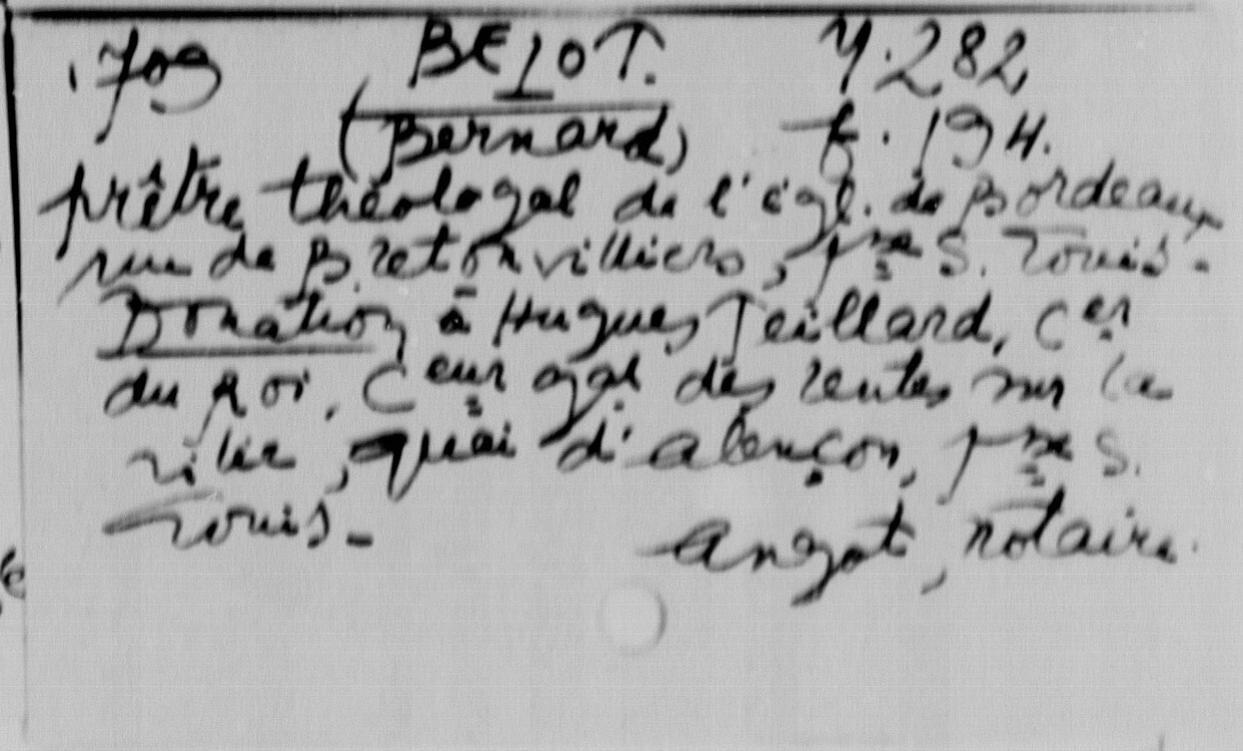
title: BELOT (Bernard)
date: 1709
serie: Y
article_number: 282
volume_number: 194
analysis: Prêtre théologal de l'église de Bordeaux, rue de Bretonvilliers, paroisse Saint-Louis. Donation à Hugues Teillard, conseiller du roi, contrôleur général des rentes sur la ville, quai d'Alençon, paroisse Saint-Louis. Angot, notaire.
